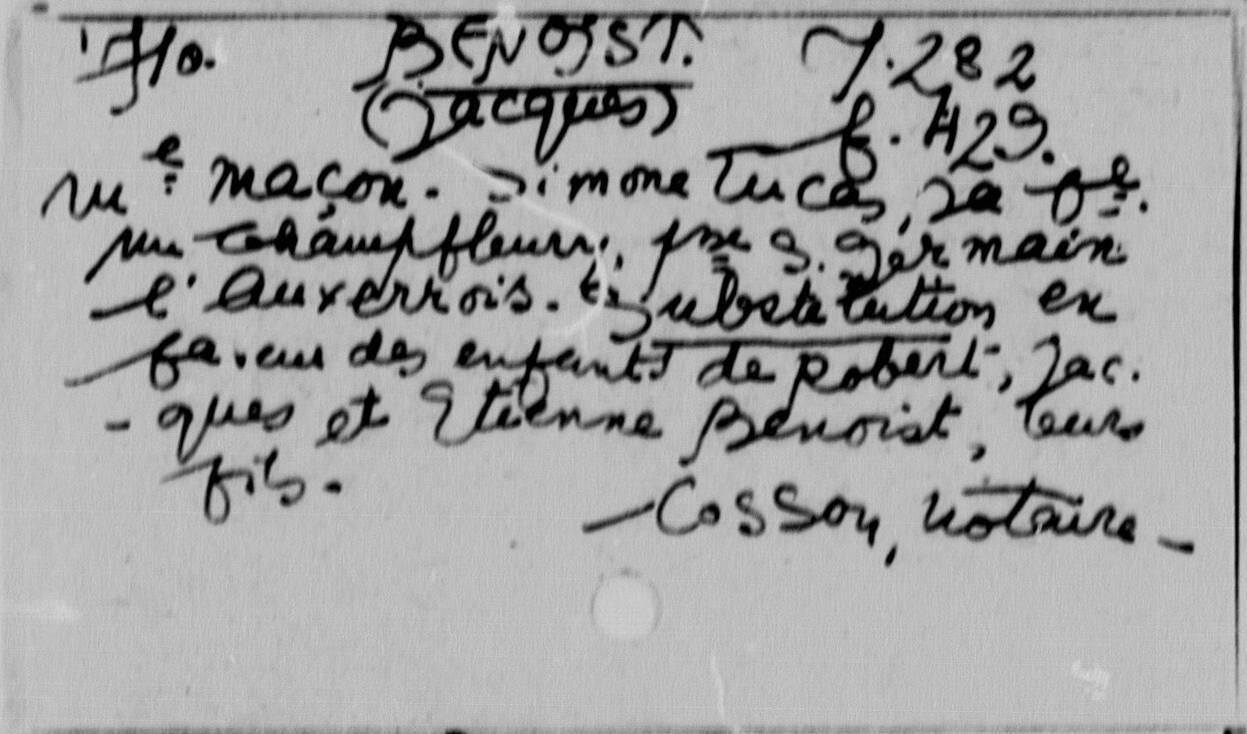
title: BENOIST (Jacques)
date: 1710
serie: Y
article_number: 282
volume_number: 429
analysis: Maître maçon. Simone LUCAS, sa femme, rue Champfleur, paroisse Saint-Germain-l'Auxerrois. Substitution en faveur des enfants de Robert-Jacques et Étienne Benoist, leurs fils. Cosson, notaire.
